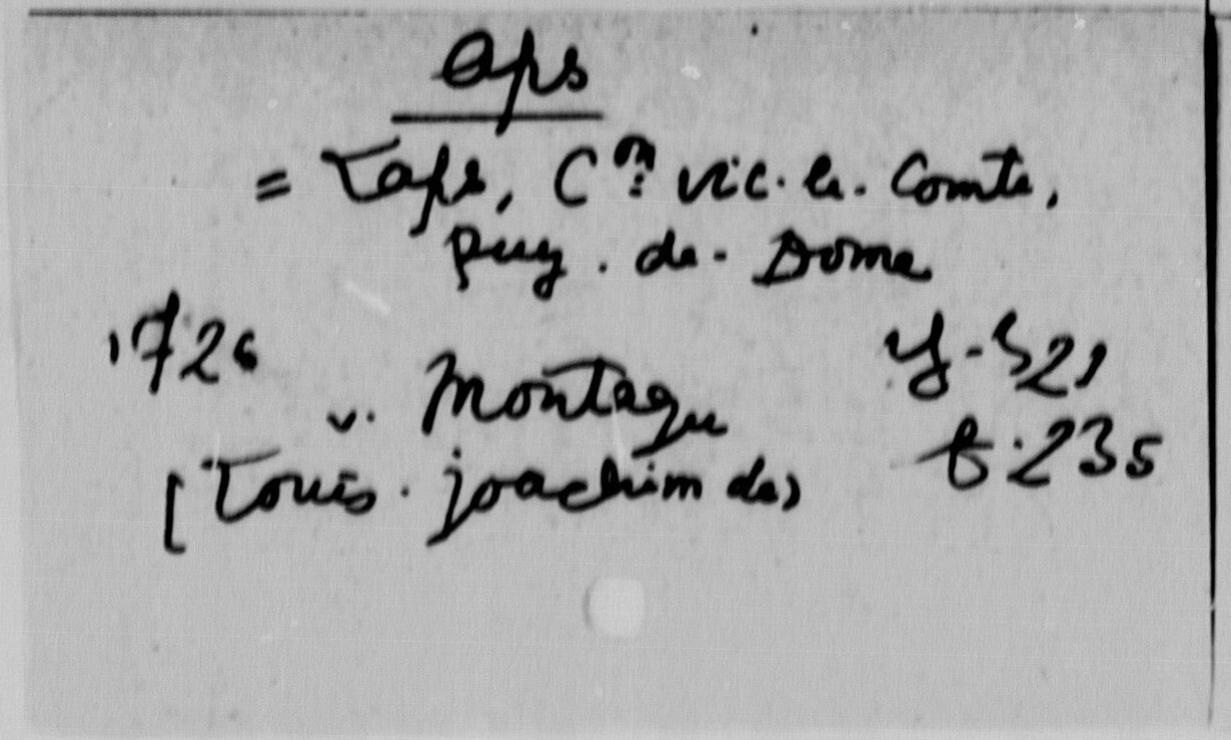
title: Aps = Laps , circonscription Vic-le-Comte, Puy-de-Dôme
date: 1726
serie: Y
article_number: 321
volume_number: folio 235
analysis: Voir Montagu (Louis-Joachim de)
